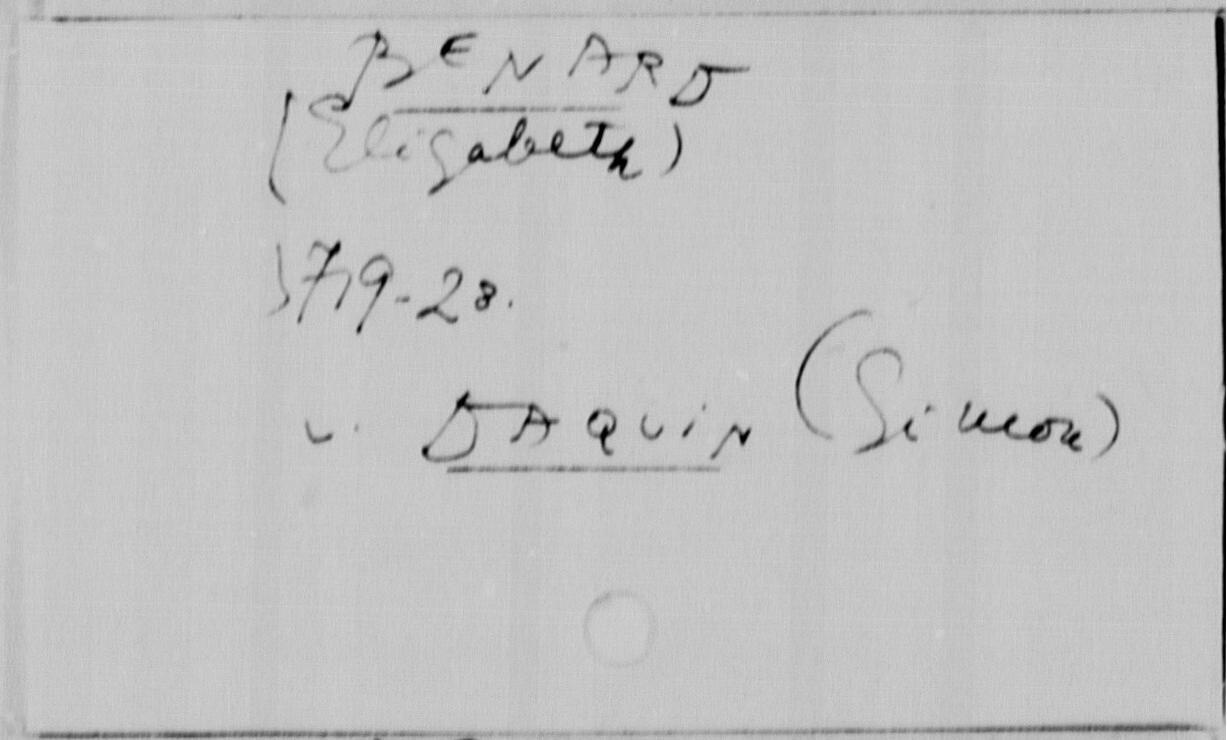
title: BENARD (Élisabeth)
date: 1719-1728
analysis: Voir DAQUIN (Simon)
